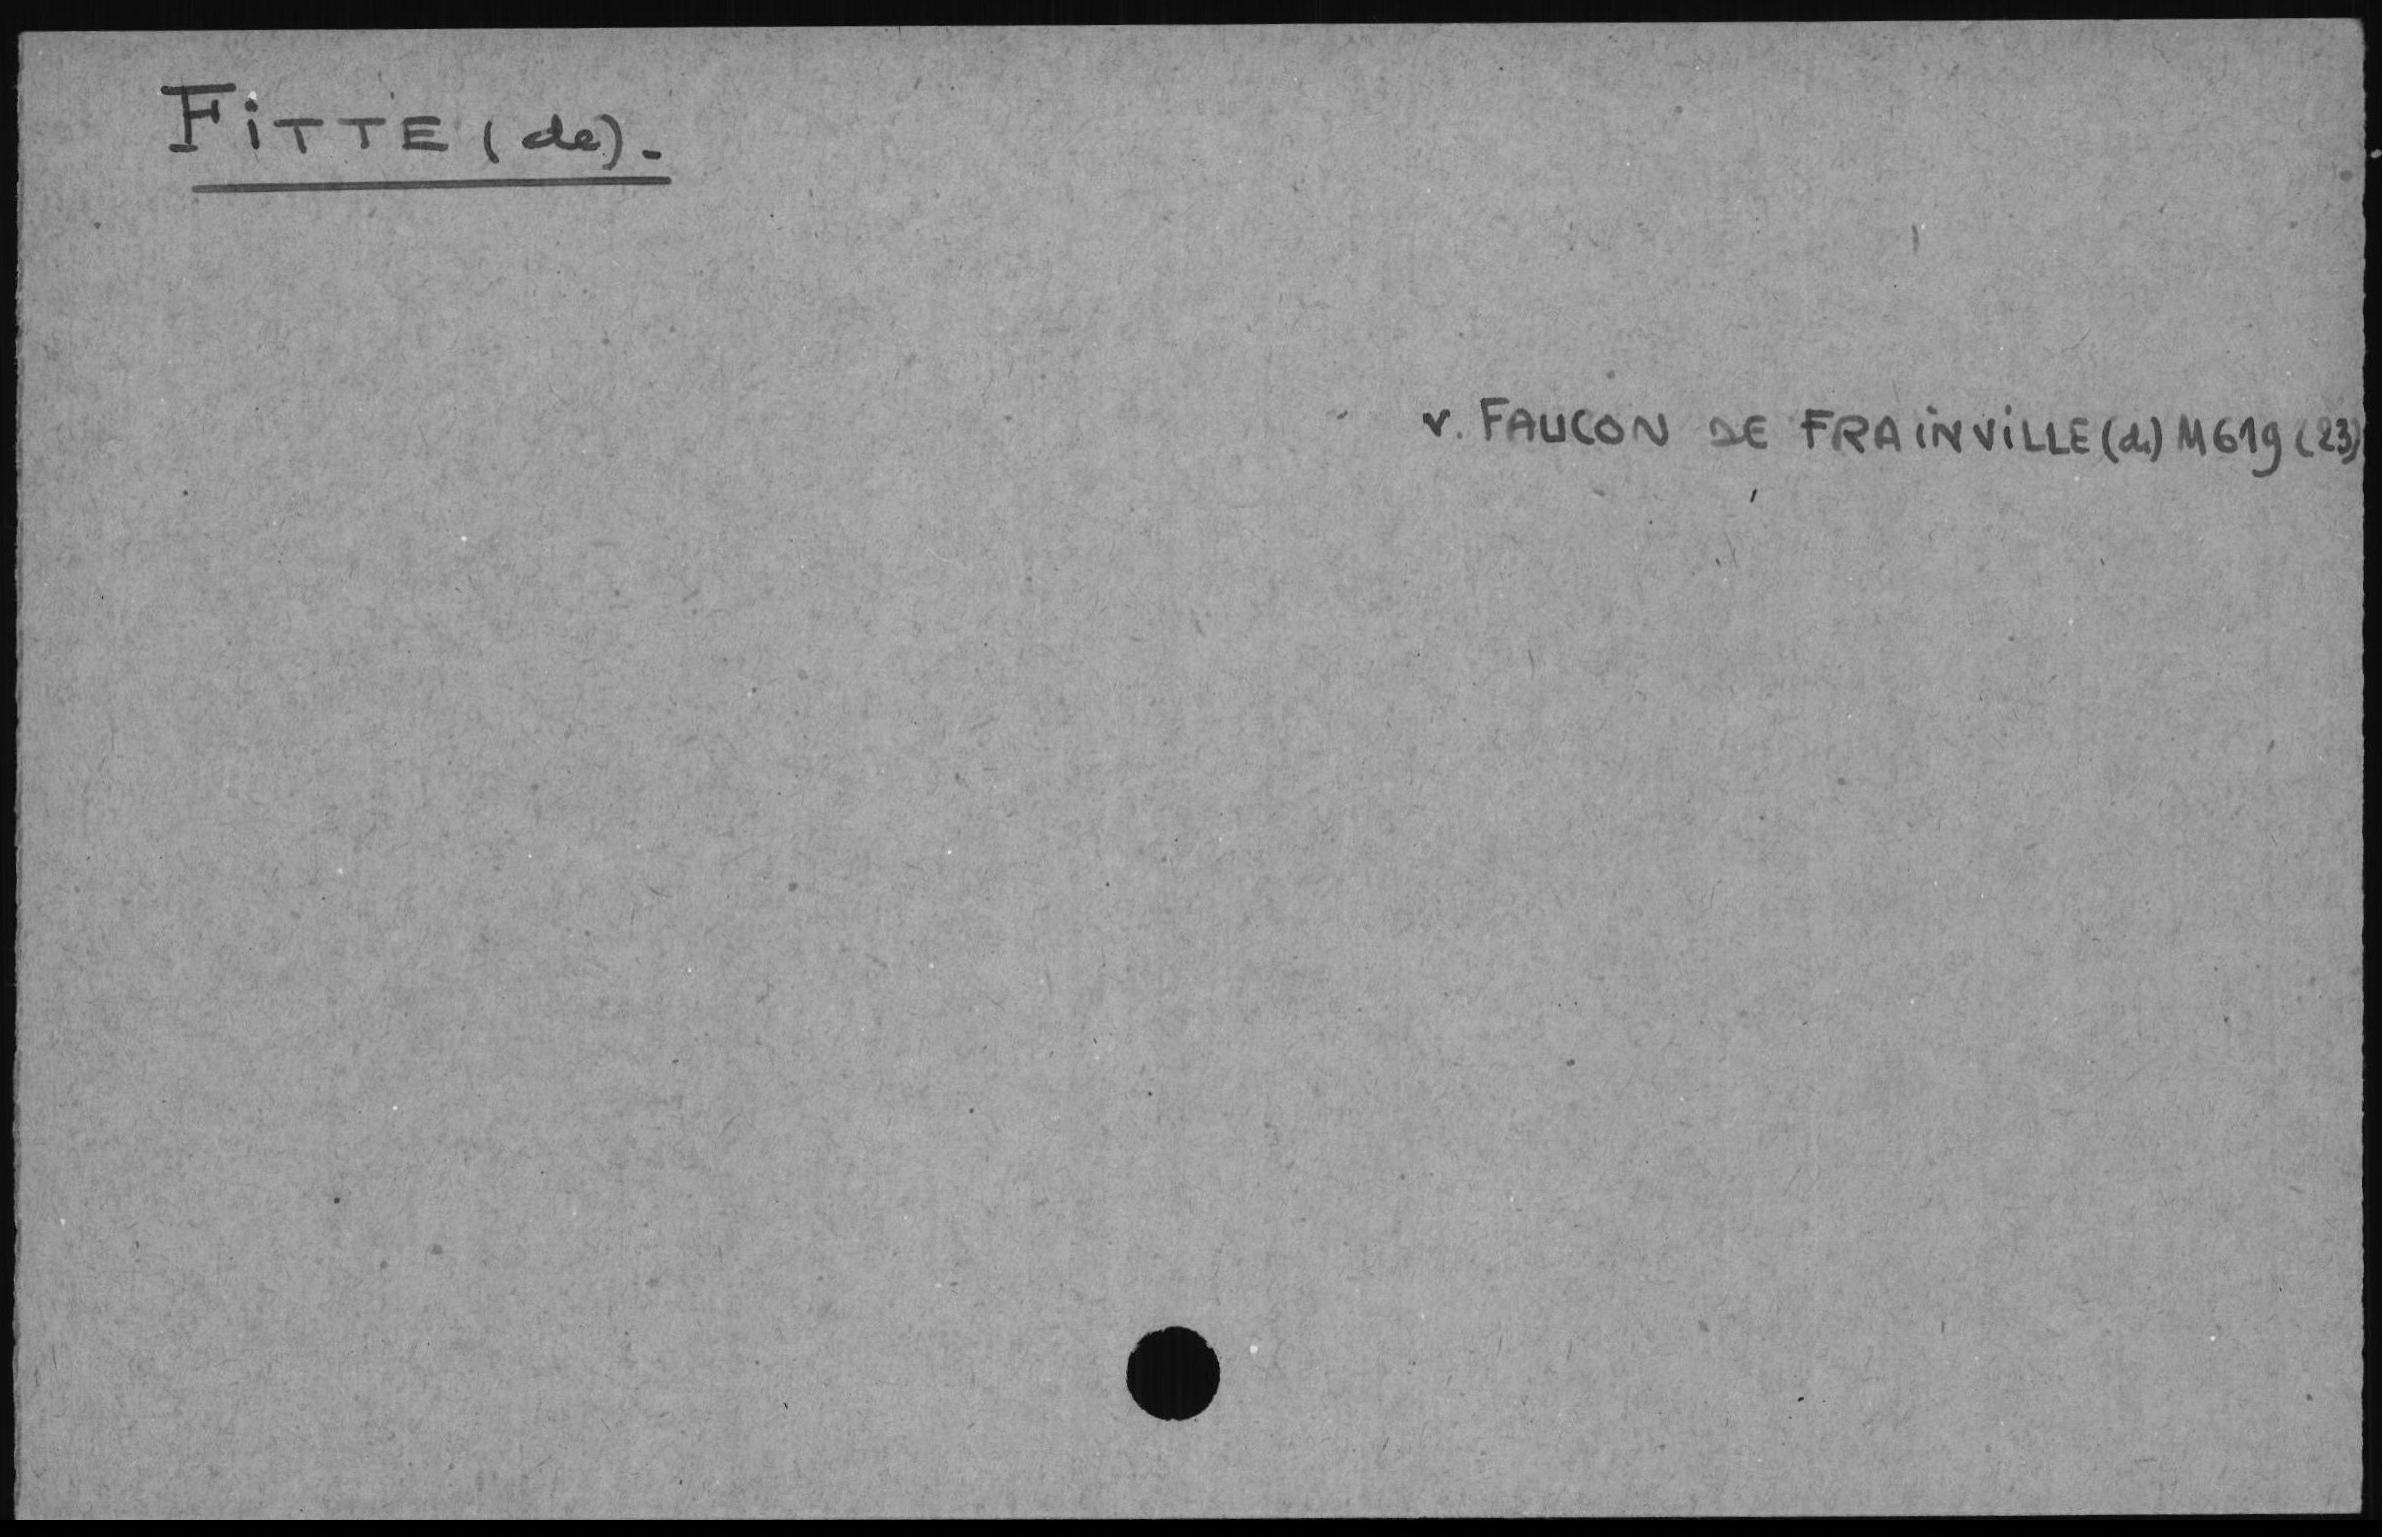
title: FITTE (de).
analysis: voir : FAUCON DE FRAINVILLE (de)
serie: M
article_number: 619
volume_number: (23)
